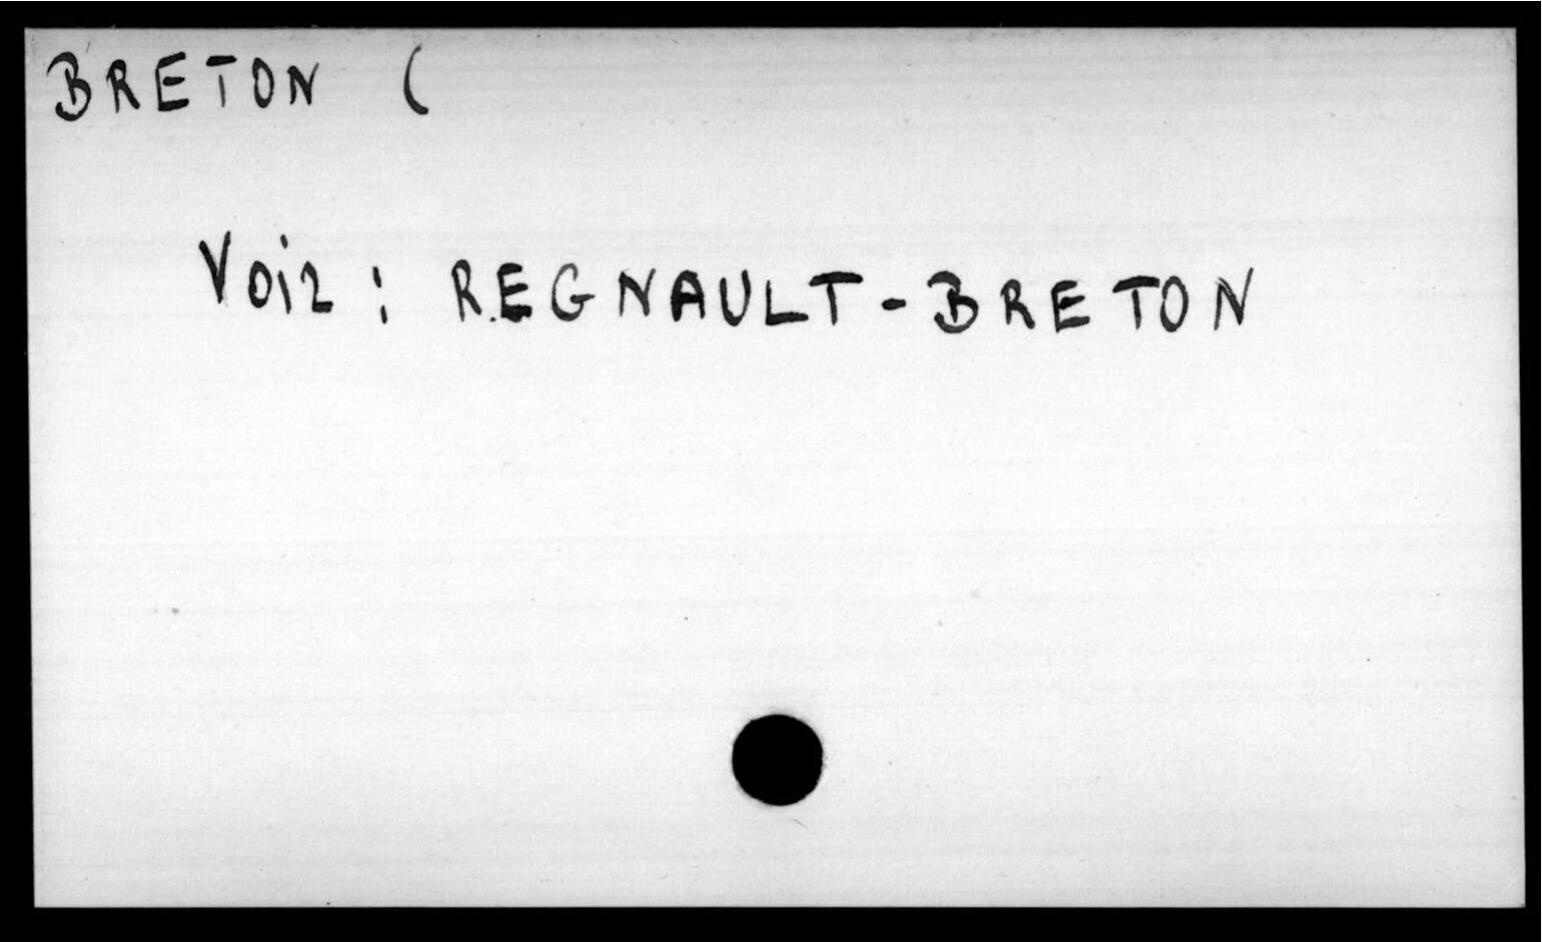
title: BRETON (
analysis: Voir : REGNAULT-BRETON
